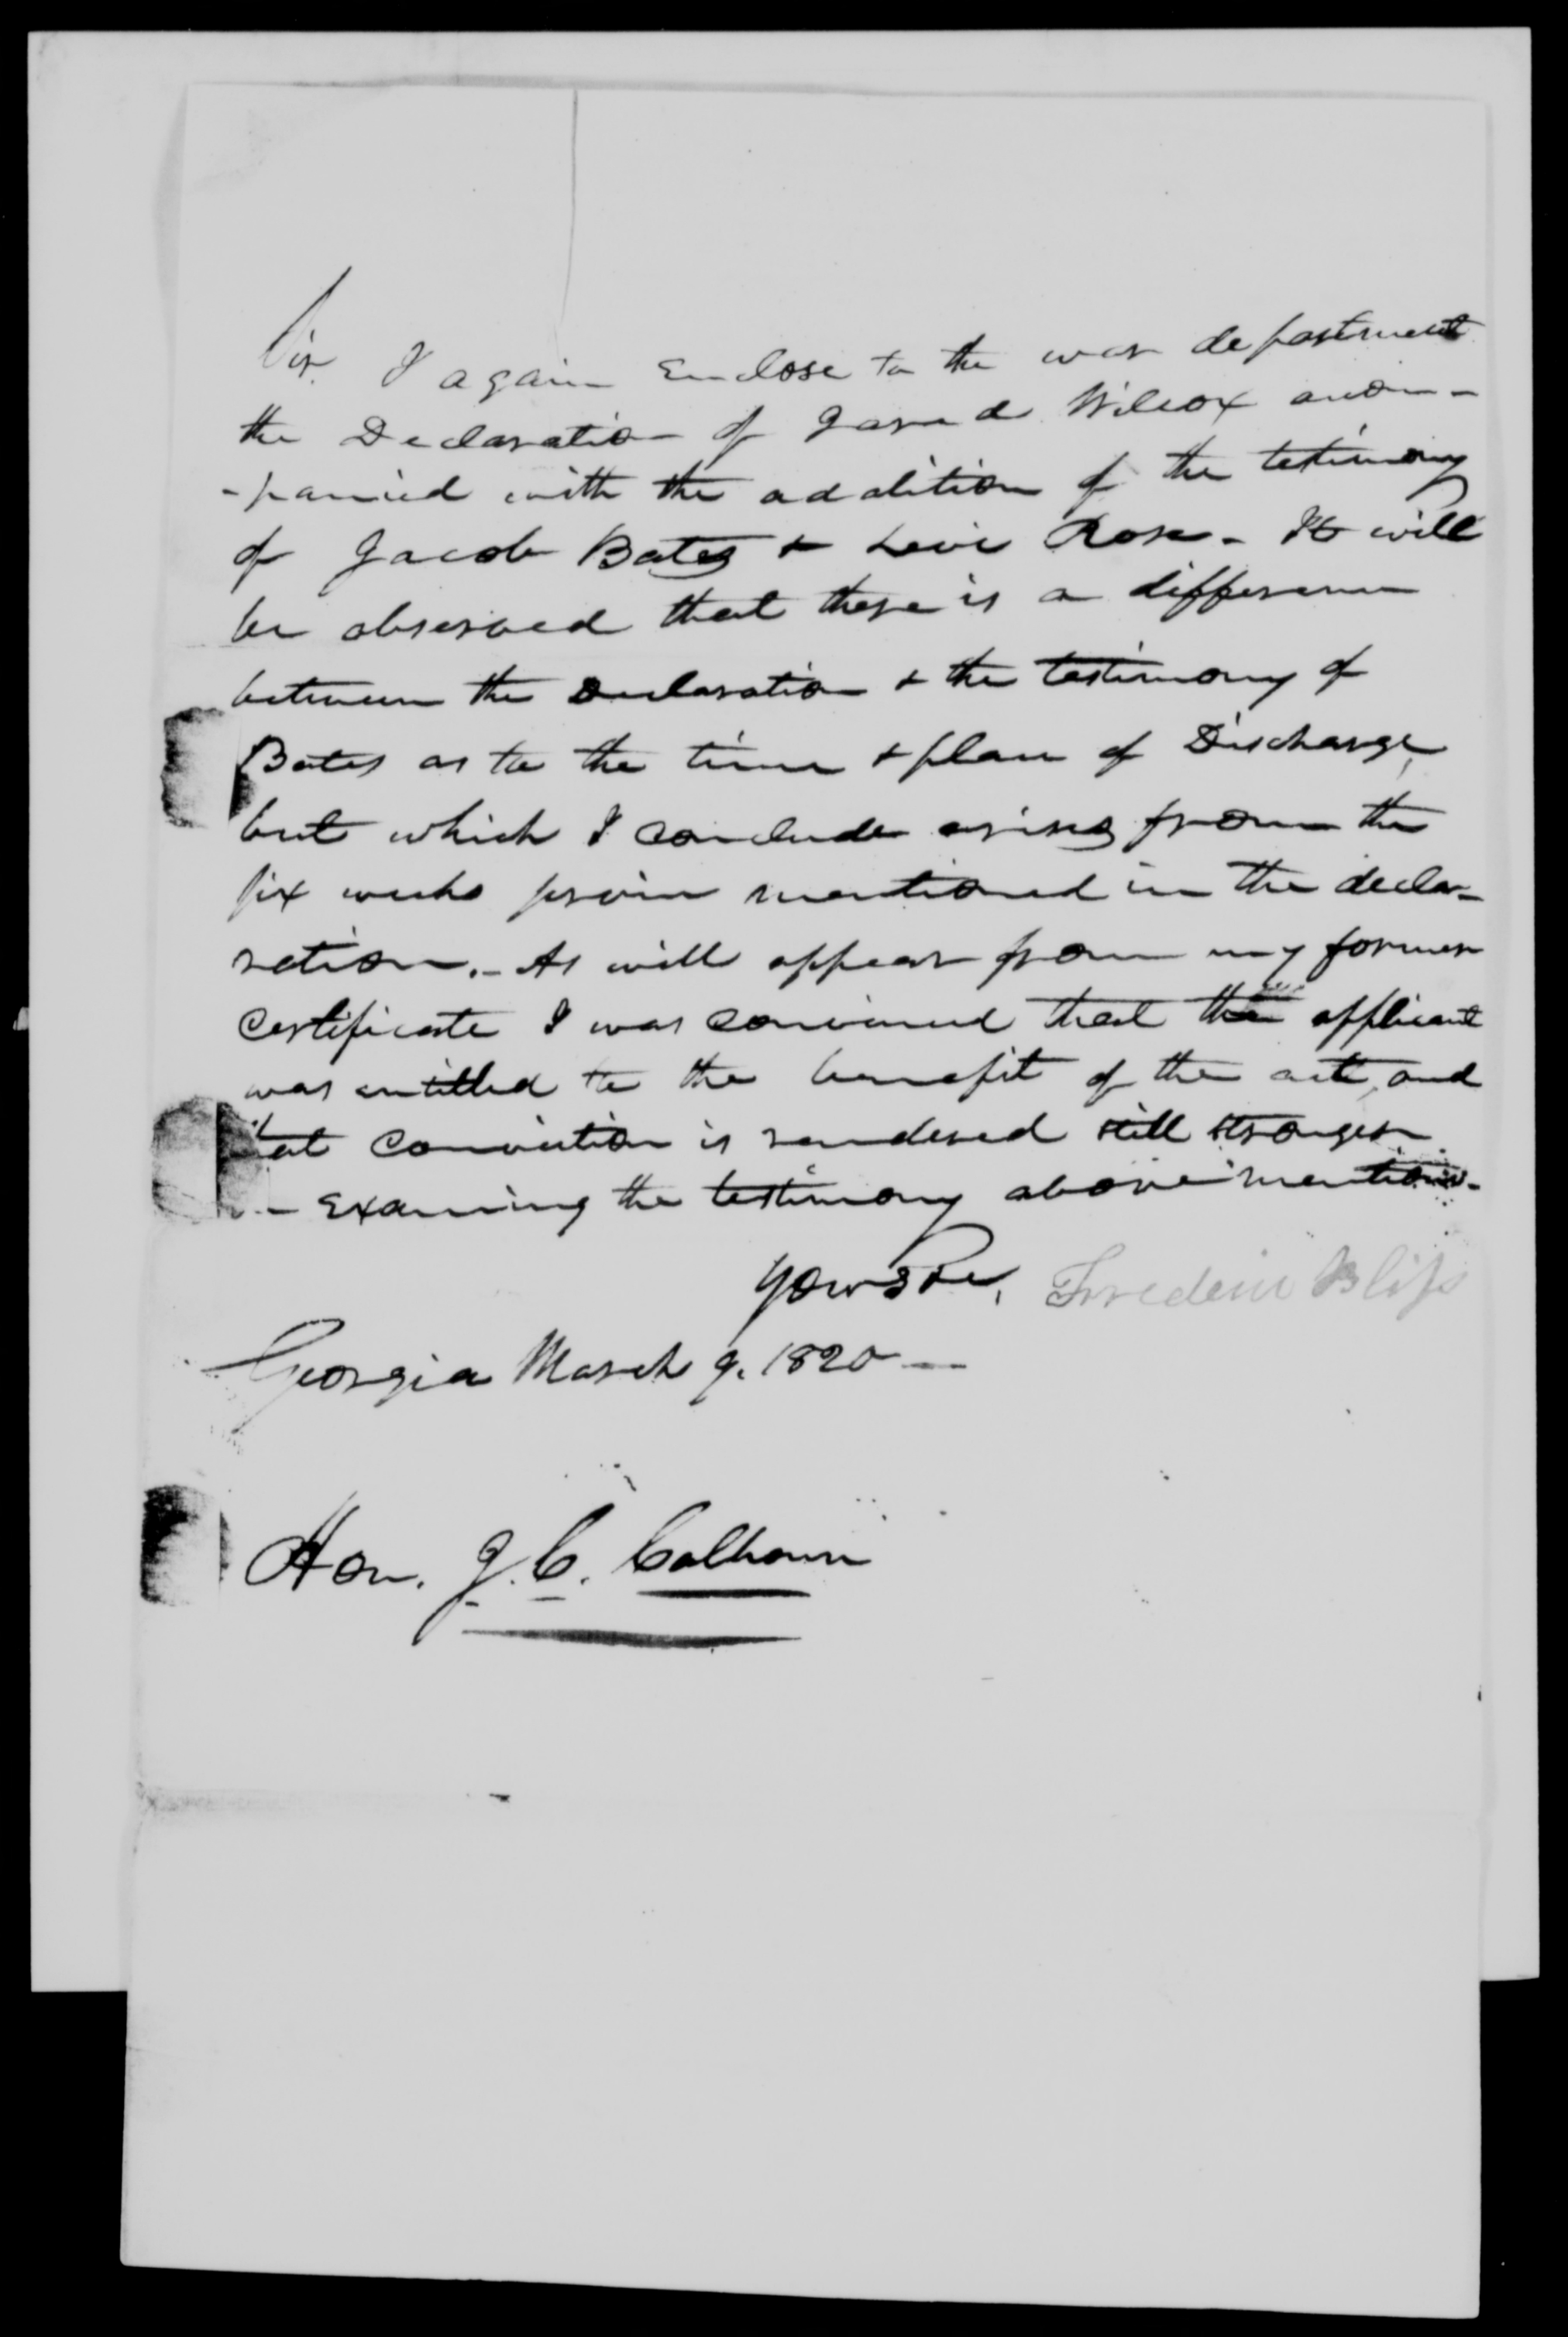Sir,  I again enclose to the war department
the Declaration of Jared Wilcox and 
(illegible) with the addition of the testimony
of Jacob Bates & Levi Rose. It will 
be observed that there is a difference
between the Declaration & the testimony of
Bates as to the time & place of Discharge
but which I conclude arises from the
six weeks prior mentioned in the declaration.
It will appear from my former
Certificate I was convinced that the applicant
was entitled to the benefit of the act, and
that conviction is rendered still stronger
when examining the testimony above mentioned.

Yours (illegible),  Frederic Bliss  (signature)

Georgia  March 9, 1820 --


Hon. J.C. Calhoun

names: Levi Rose, Jacob Bates, J C Calhoun, Frederic Bliss, Jared Wilcox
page: 29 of 34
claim: survivor's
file: S. 41337, Jared Wilcox, Continental Mass.